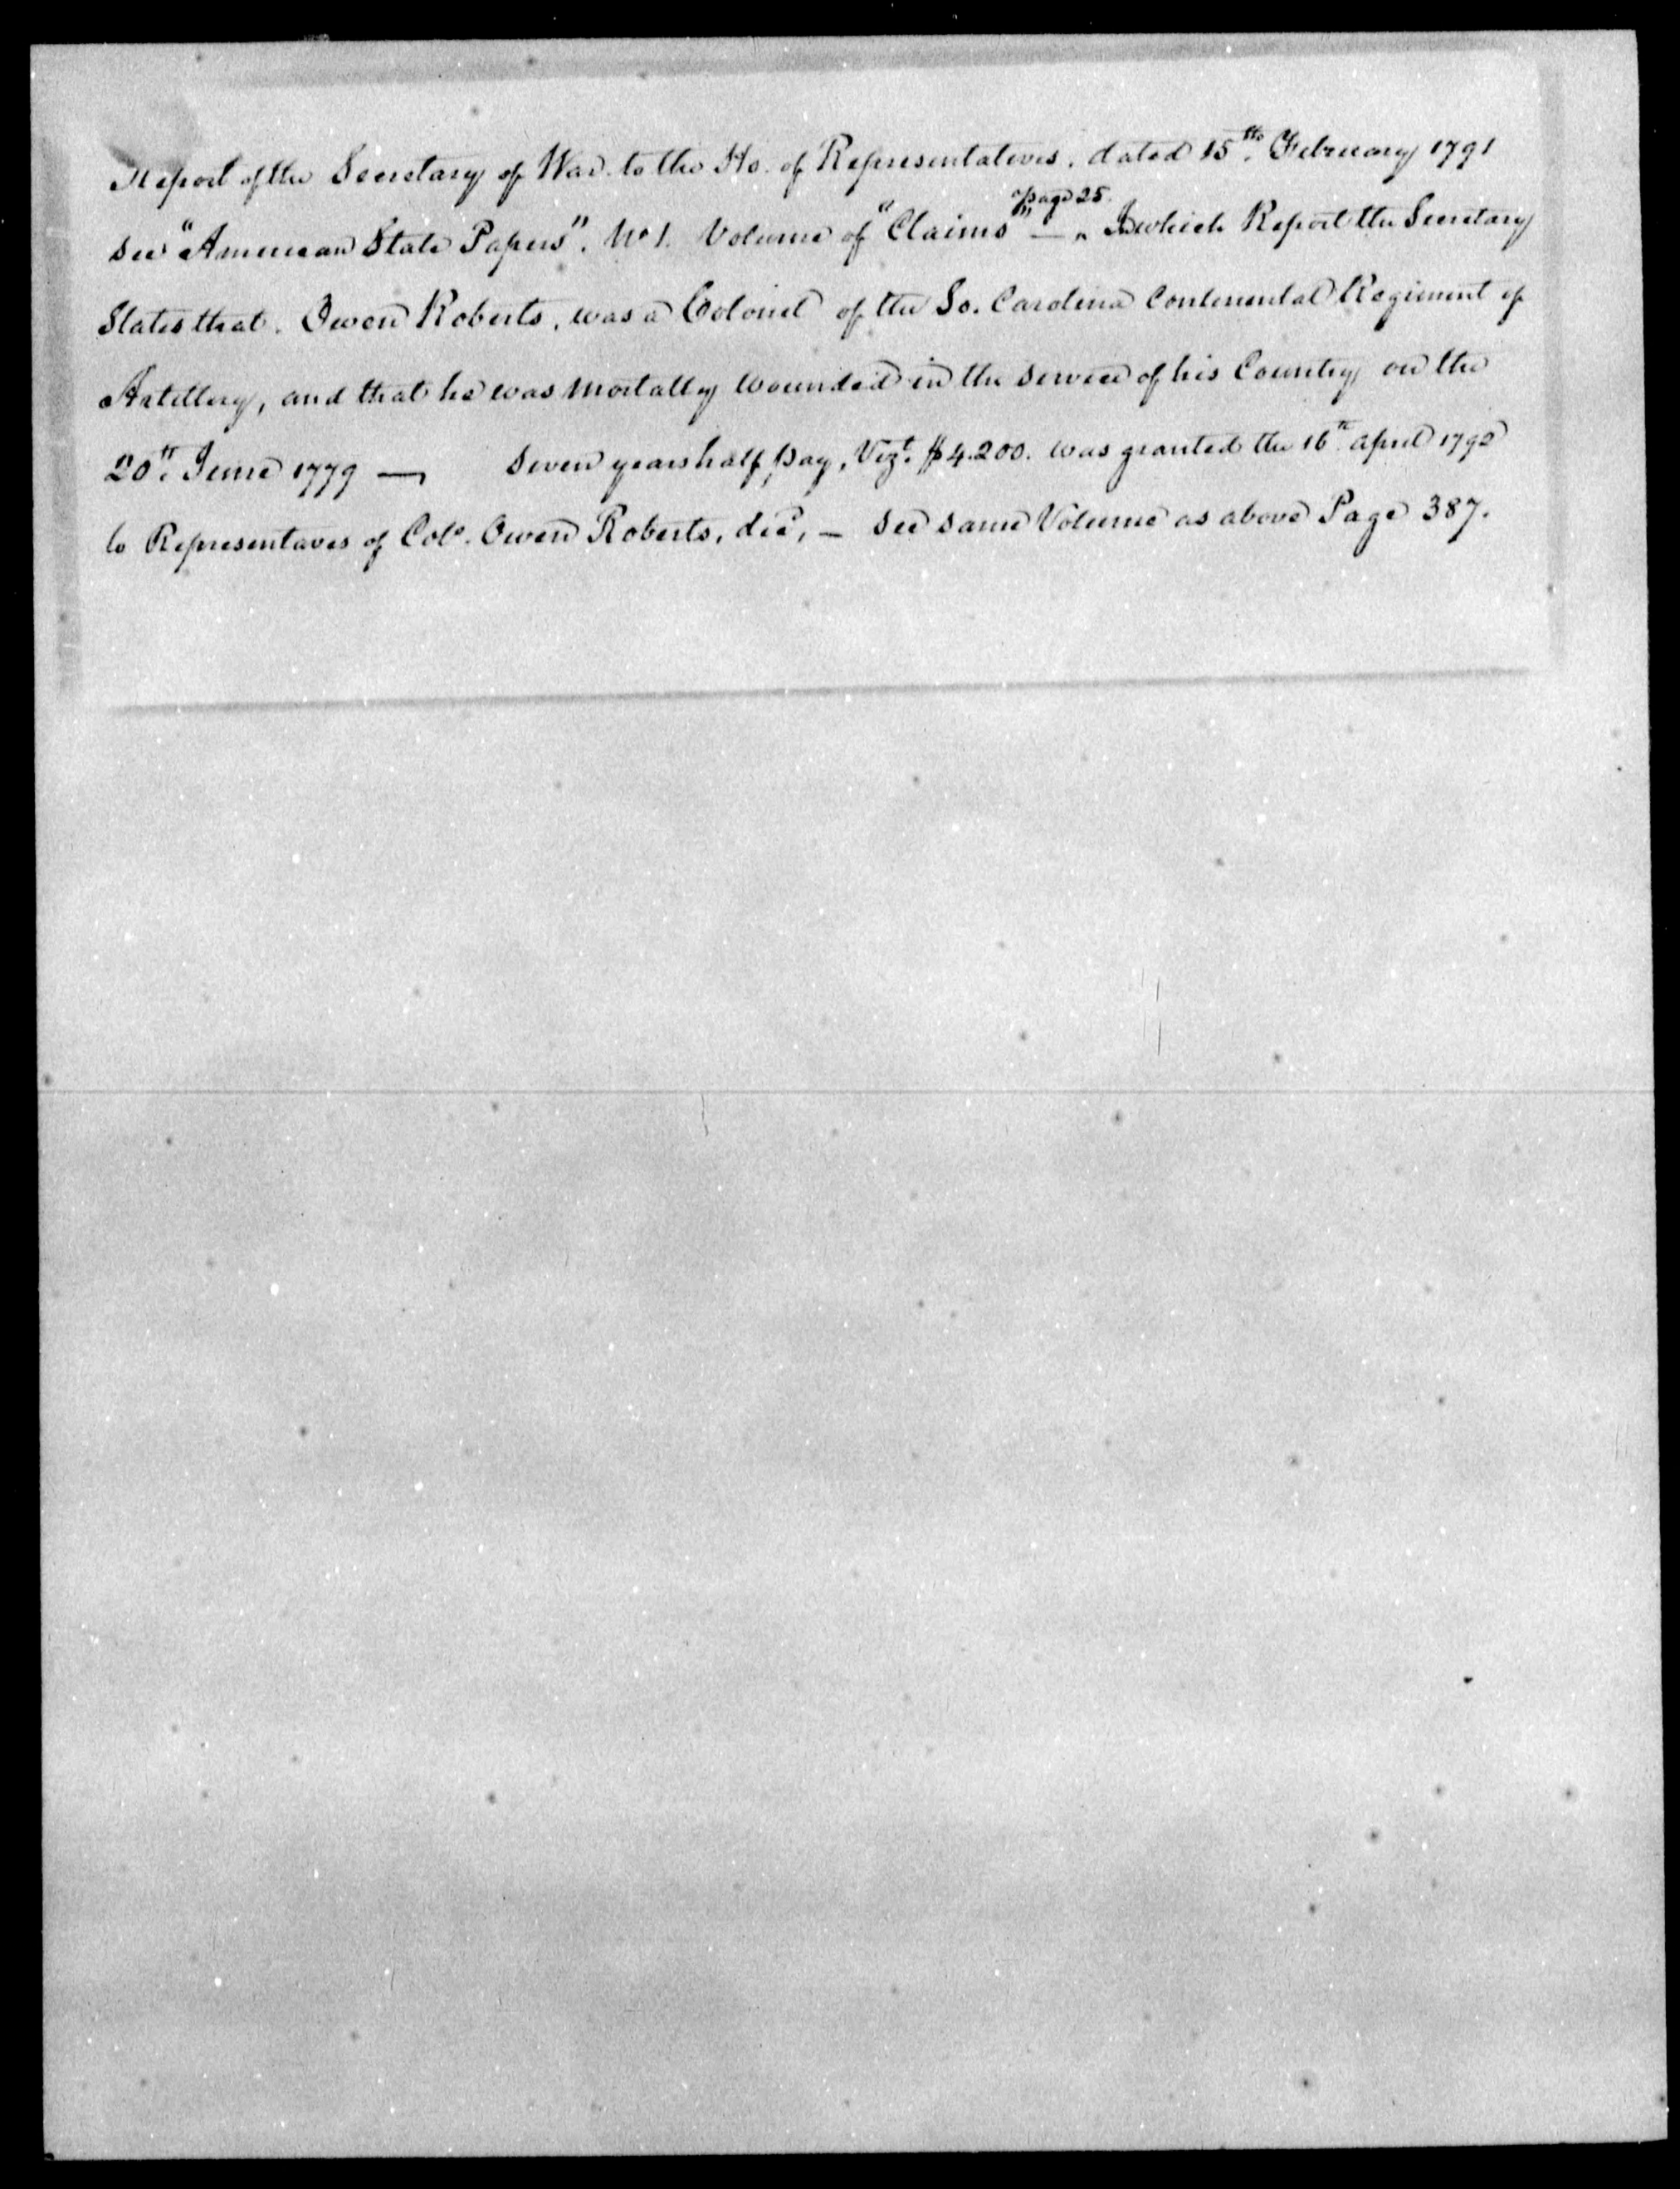Report of the Secretary of War. to the Ho. of Representatives, dated 15th, February 1791
See "American State Papers," No 1.  Volume of "Claims page 25 In which Report the Secretary States that.
Owen Roberts, was a Colonel of the So. Carolina Continental Regiment of Artillery, and that he was mortally wounded in the service of his Country, on the 20th, June 1779 -- Seven years half pay, Viz. $4.200. was granted the 16th April 1792 to Representatives of Col. Owen Roberts, dec, - See same Volume as above, Page 387.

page: 2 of 59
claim: bounty land warrant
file: B.L.Wt. 2359-500, for Owen Roberts, South Carolina